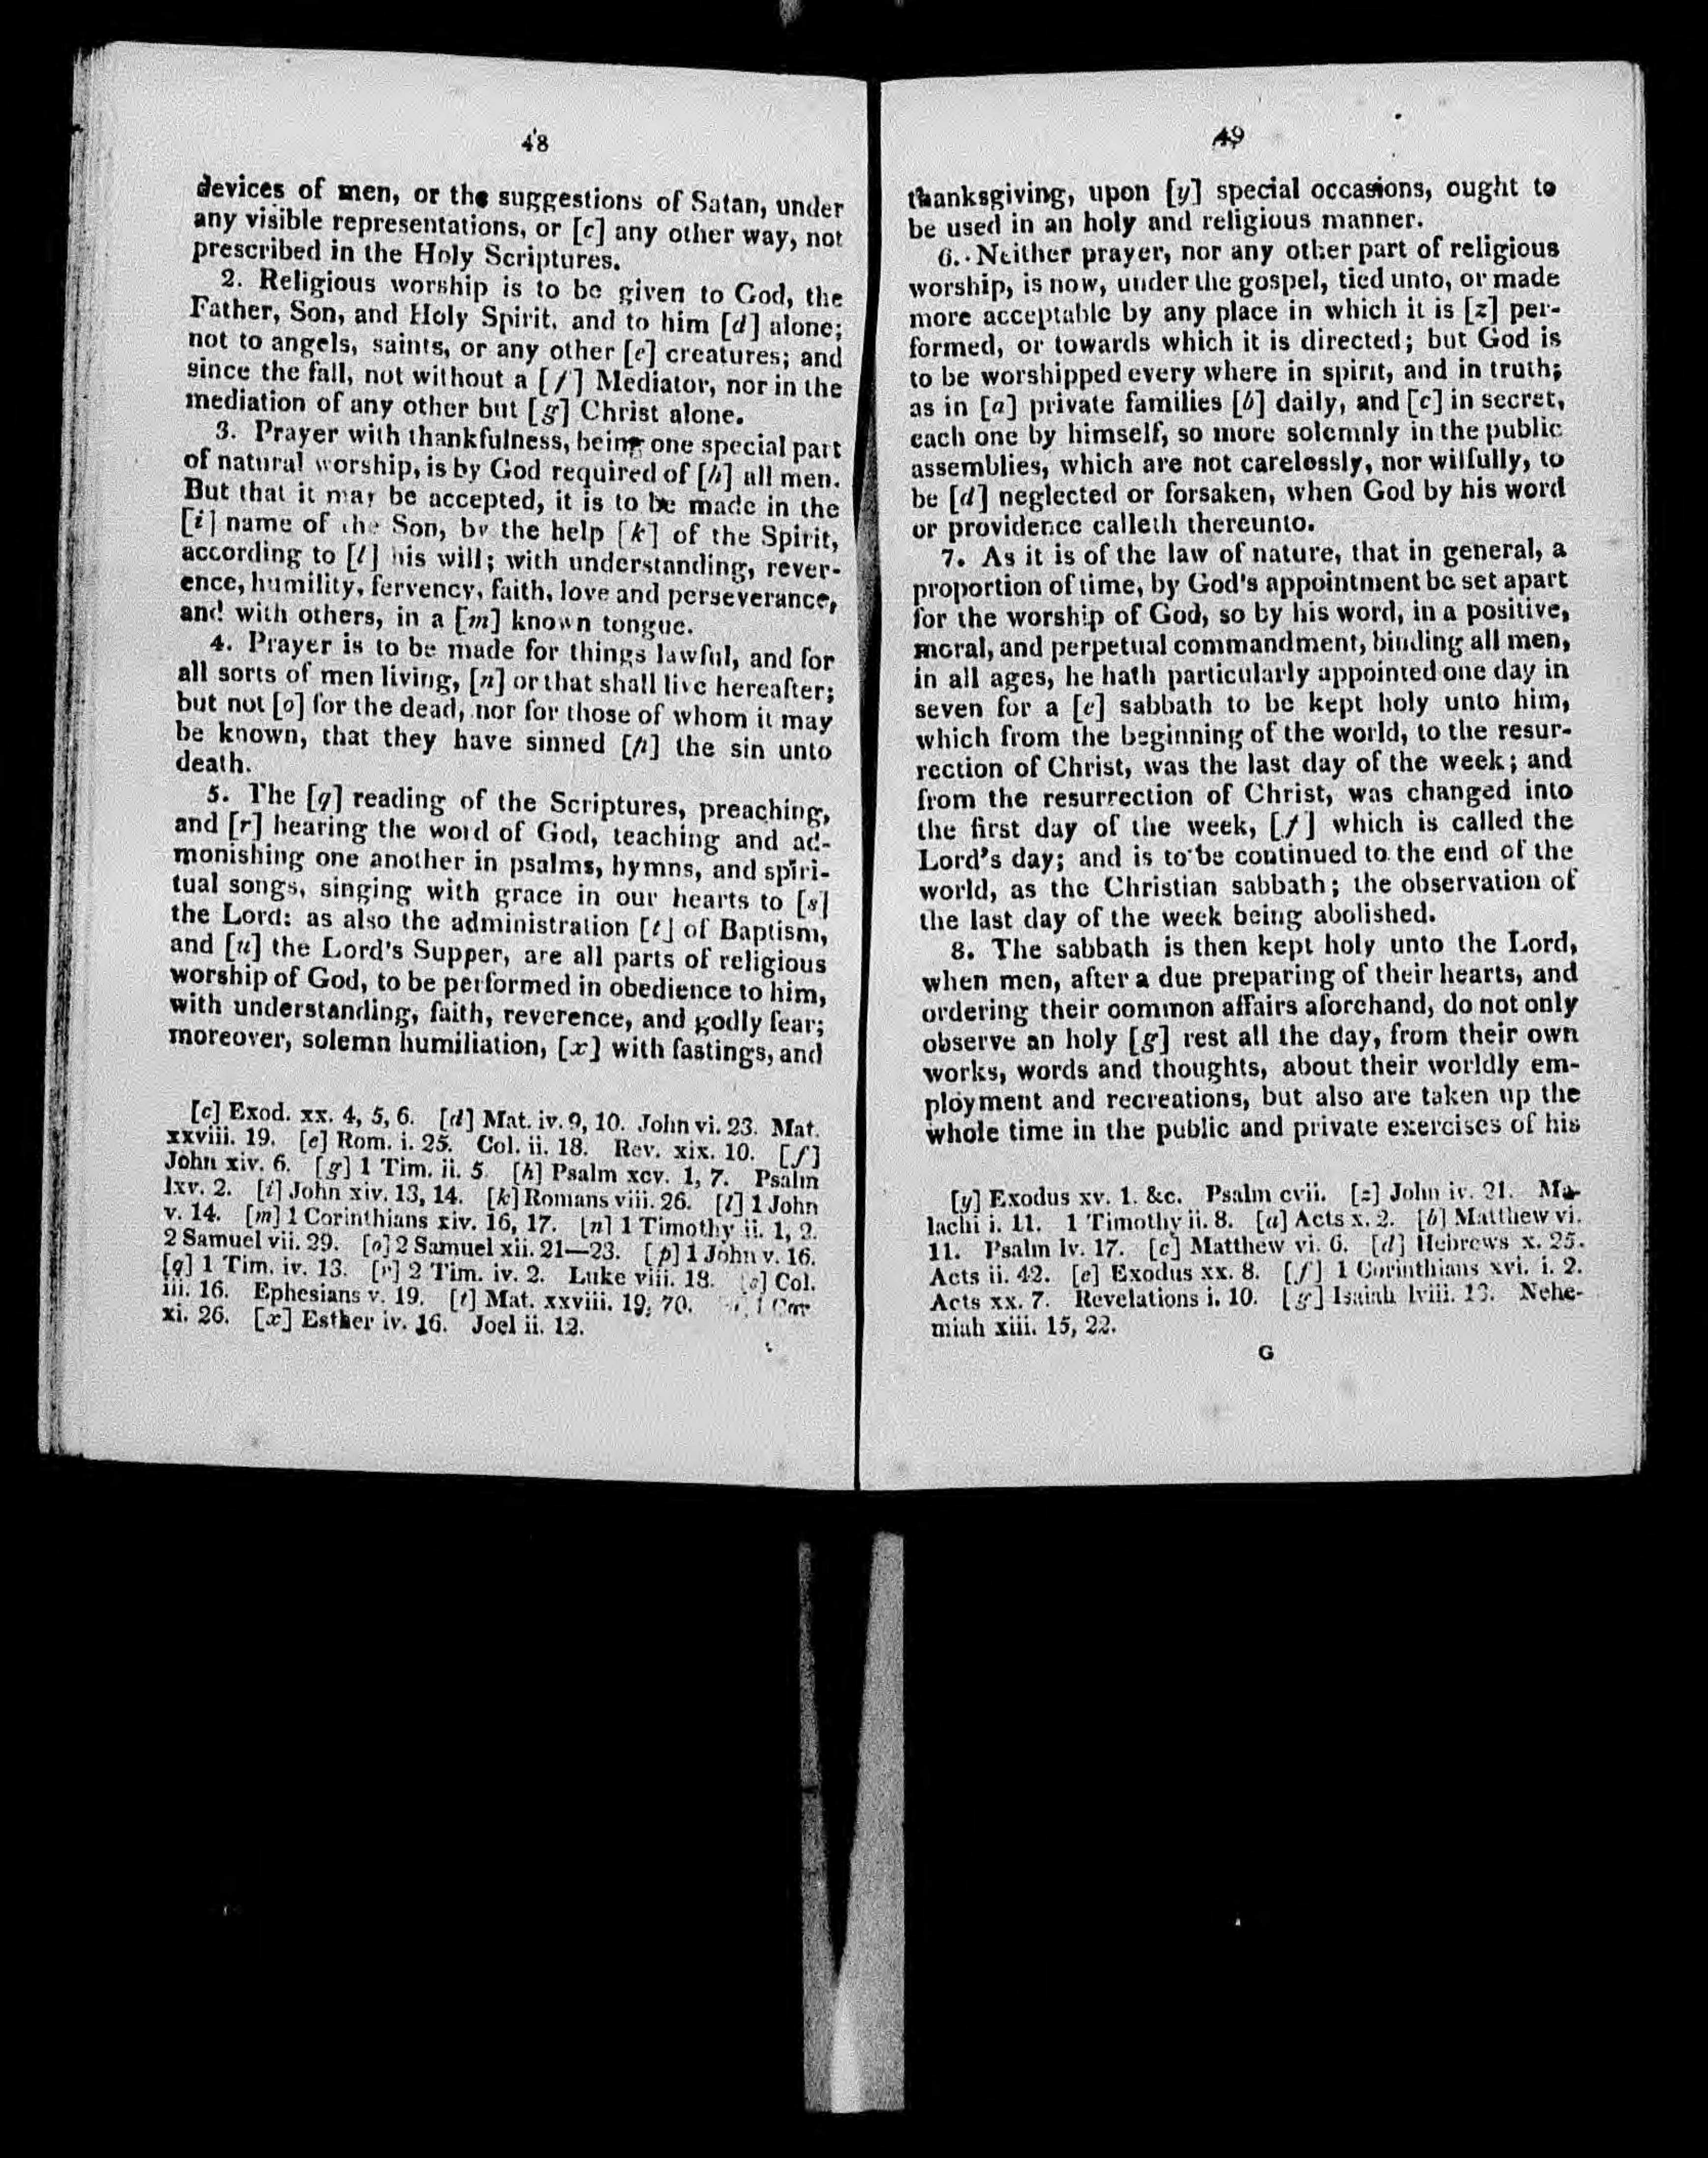48

devices of men, or the suggestions of Satan, under any visible representations, or [c] any other way, not prescribed in the Holy Scriptures.
2. Religious worship is to be given to God, the Father, Son, and Holy Spirit, and to him [d] alone; not to angels, saints, or any other [e] creatures; and since the fall, not without a [f] Mediator, nor in the mediation of any other but [g] Christ alone.
3. Prayer with thankfulness, being one special part of natural worship, is by God required of [h] all men. But that it may be accepted, it is to be made in the [i] name of the Son, by the help [k] of the Spirit, according to [l] his will; with understanding, reverence, humility, fervency, faith, love and perseverance, and with others, in a [m] known tongue.
4. Prayer is to be made for things lawful, and for all sorts of men living, [n] or that shall live hereafter; but not [o] for the dead, nor for those of whom it may be known, that they have sinned [p] the sin unto death.
5. The [q] reading of the Scriptures, preaching, and [r] hearing the word of God, teaching and admonishing one another in psalms, hymns, and spiritual songs, singing with grace in our hearts to [s] the Lord: as also the administration [t] of Baptism, and [u] the Lord's Supper, are all parts of religious worship of God, to be performed in obedience to him, with understanding, faith, reverence, and godly fear; moreover, solemn humiliation, [x] with fastings, and

[c] Exod. xx. 4, 5, 6. [d] Mat. iv. 9.10, John vi. 23. Mat. xxviii. 19. [e] Rom. i. 25. Col. ii. 18. Rev. xix. 10. [f] John xiv. 6. [g] 1 Tim. ii. 5. [h] Psalm xcv. 1, 7. Psalm ixv. 2. [i] John xiv. 13, 14. [k] Romans viii. 26. [l] 1 John v. 14. [m] 1 Corinthians xiv. 16, 17. [n] 1 Timothy ii. 1, 2. 2 Samuel vii. 29. [o] 2 Samuel xii. 21-23. [p] 1 John v. 16. [q] 1 Tim. iv. 13. [r] 2 Tim. iv. 2. Luke viii. 18. [s] Col. iii. 16. Ephesians v. 19. [t] Mat. xxviii. 19, 70 [u] 1 Cor. xi. 26. [x] Esther iv. 16. Joel ii. 12.

49

thanksgiving, upon [y] special occasions, ought to be used in an holy and religious manner.
6. Neither prayer, nor any other part of religious worship, is now, under the gospel, tied unto, or made more acceptable by any place in which it is [z] performed, or towards which it is directed; but God is to be worshipped every where in spirit, and in truth; as in [a] private families [b] daily, and [c] in secret, each one by himself, so more solemnly in the public assemblies, which are not carelessly, nor willfully, to be [d] neglected or forsaken, when God by his word or providence calleth thereunto.
7. As it is of the law of nature, that in general, a proportion of time, by God's appointment be set apart for the worship of God, so by his word, in a positive, moral, and perpetual commandment, binding all men, in all ages, he hath particularly appointed one day in seven for a [e] sabbath to be kept holy unto him, which from the beginning of the world, to the resurrection of Christ, was the last day of the week; and from the resurrection of Christ, was changed into the first day of the week, [f] which is called the Lord's day; and is to be continued to the end of the world, as the Christian sabbath; the observation of the last day of the week being abolished.
8. The sabbath is then kept holy unto the Lord,  when men, after a due preparing of their hearts, and ordering their common affairs aforehand, do not only observe an holy [g] rest all the day, from their own works, words and thoughts, about their worldly employment and recreations, but also are taken up the whole time in the public and private exercises of his

[y] Exodus xv. 1. &c. Psalm cvii. {z] John iv. 21. Malachi i. 11. 1 Timothy ii. 8. [a] Acts x. 2. [b] Matthew vi. 11. Psalm lv. 17. [c] Matthew vi. 6. [d] Hebrews x. 25. Acts ii. 42. [e] Exodus xx. 8. [f] 1 Corinthians xvi. i. 2. Acts xx. 7. Revelations i. 10. [g] Isaiah lviii. 13. Nehemiah xiii. 15, 22.
G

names: Tim, Mat, John, John, Esther, John, Samuel, John, John, Tim, Malachi, Mat, Luke, Matthew, Nehemiah, Matthew, Joel, John, Timothy, Mat, Timothy, Samuel, Tim, Isaiah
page: 36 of 98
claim: widow's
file: W. 8398, William Broadway, S.C.